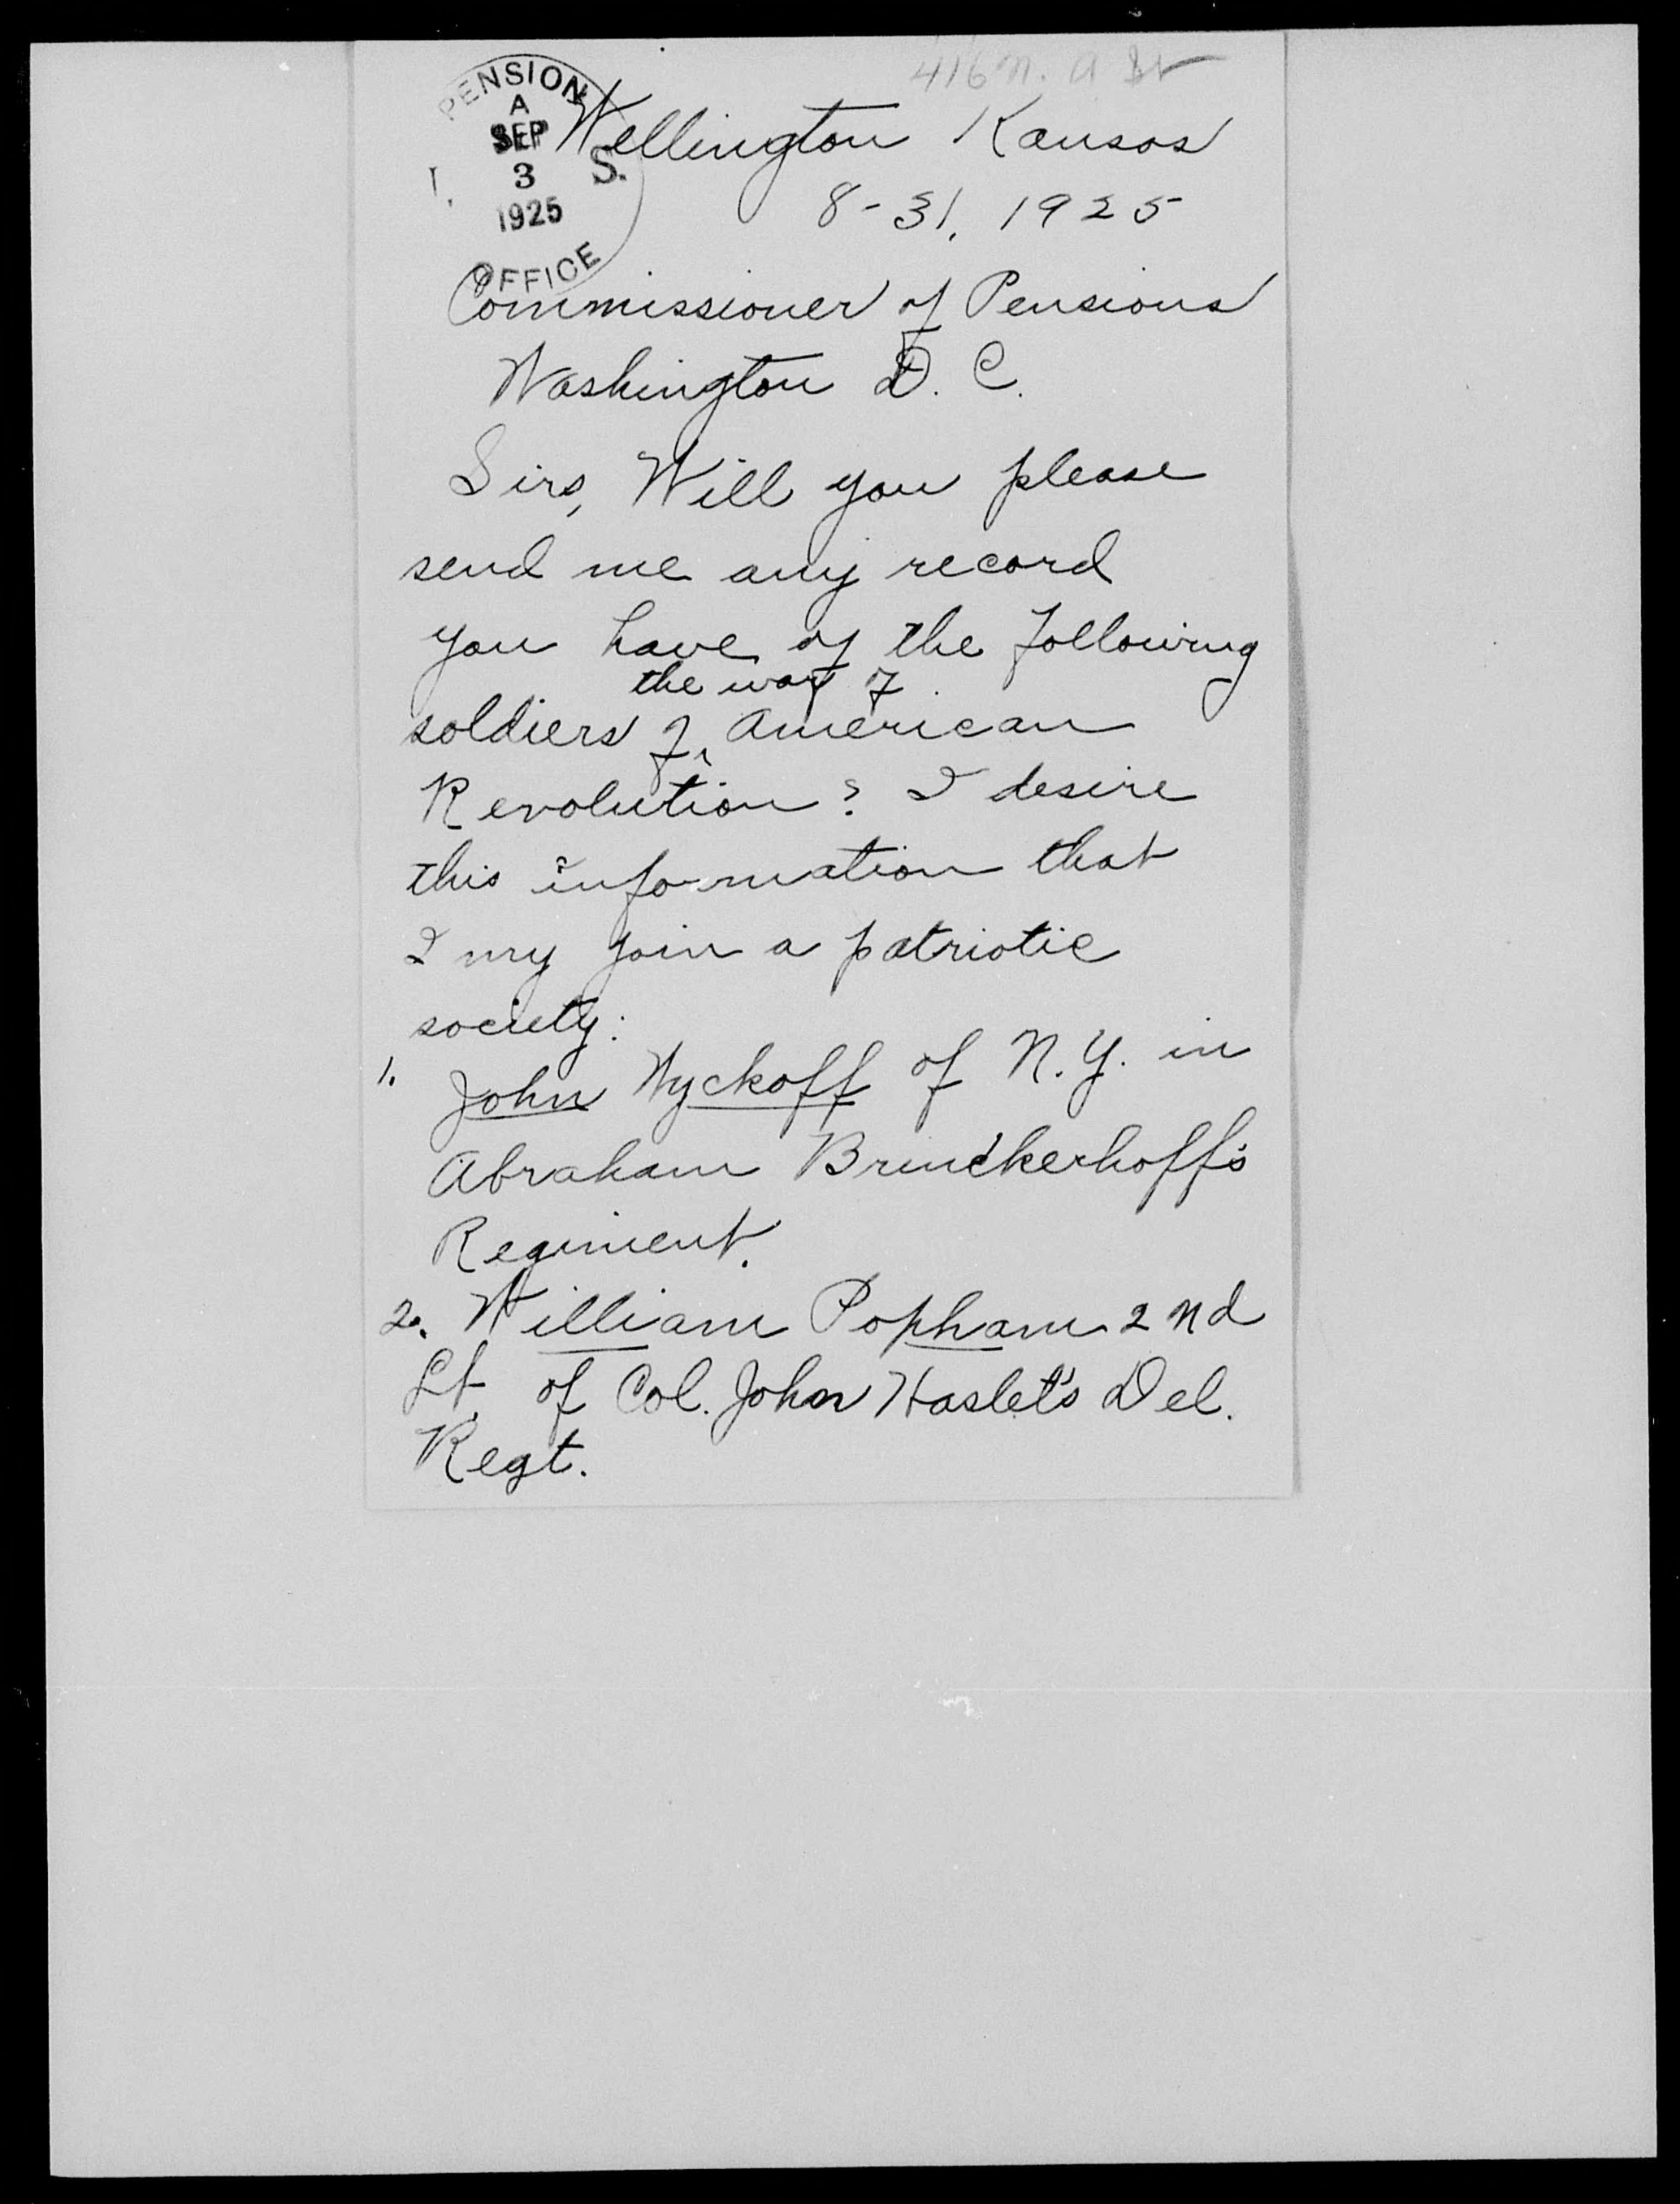416 n. a st
[Black Stamp] PENSION OFFICE U.S. A SEP 3 1925
Wellington Kansas
8-31, 1925
Commissioner of Pensions
Washington D.C.
Sirs, Will you please
send me any record
you have of the following
soldiers of ^the war of American
Revolution?
I desire
this information that
I my join a patriotic
society:
1. John Wyckoff of N.Y. in
Abraham Brinckerhoff's
Regiment.
2. William Popham 2nd
Lt  of Col. John Haslet's Del.
Regt.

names: William Popham; John Wyckoff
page: 9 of 75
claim: survivor's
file: S. 9989, for William Popham, Delaware